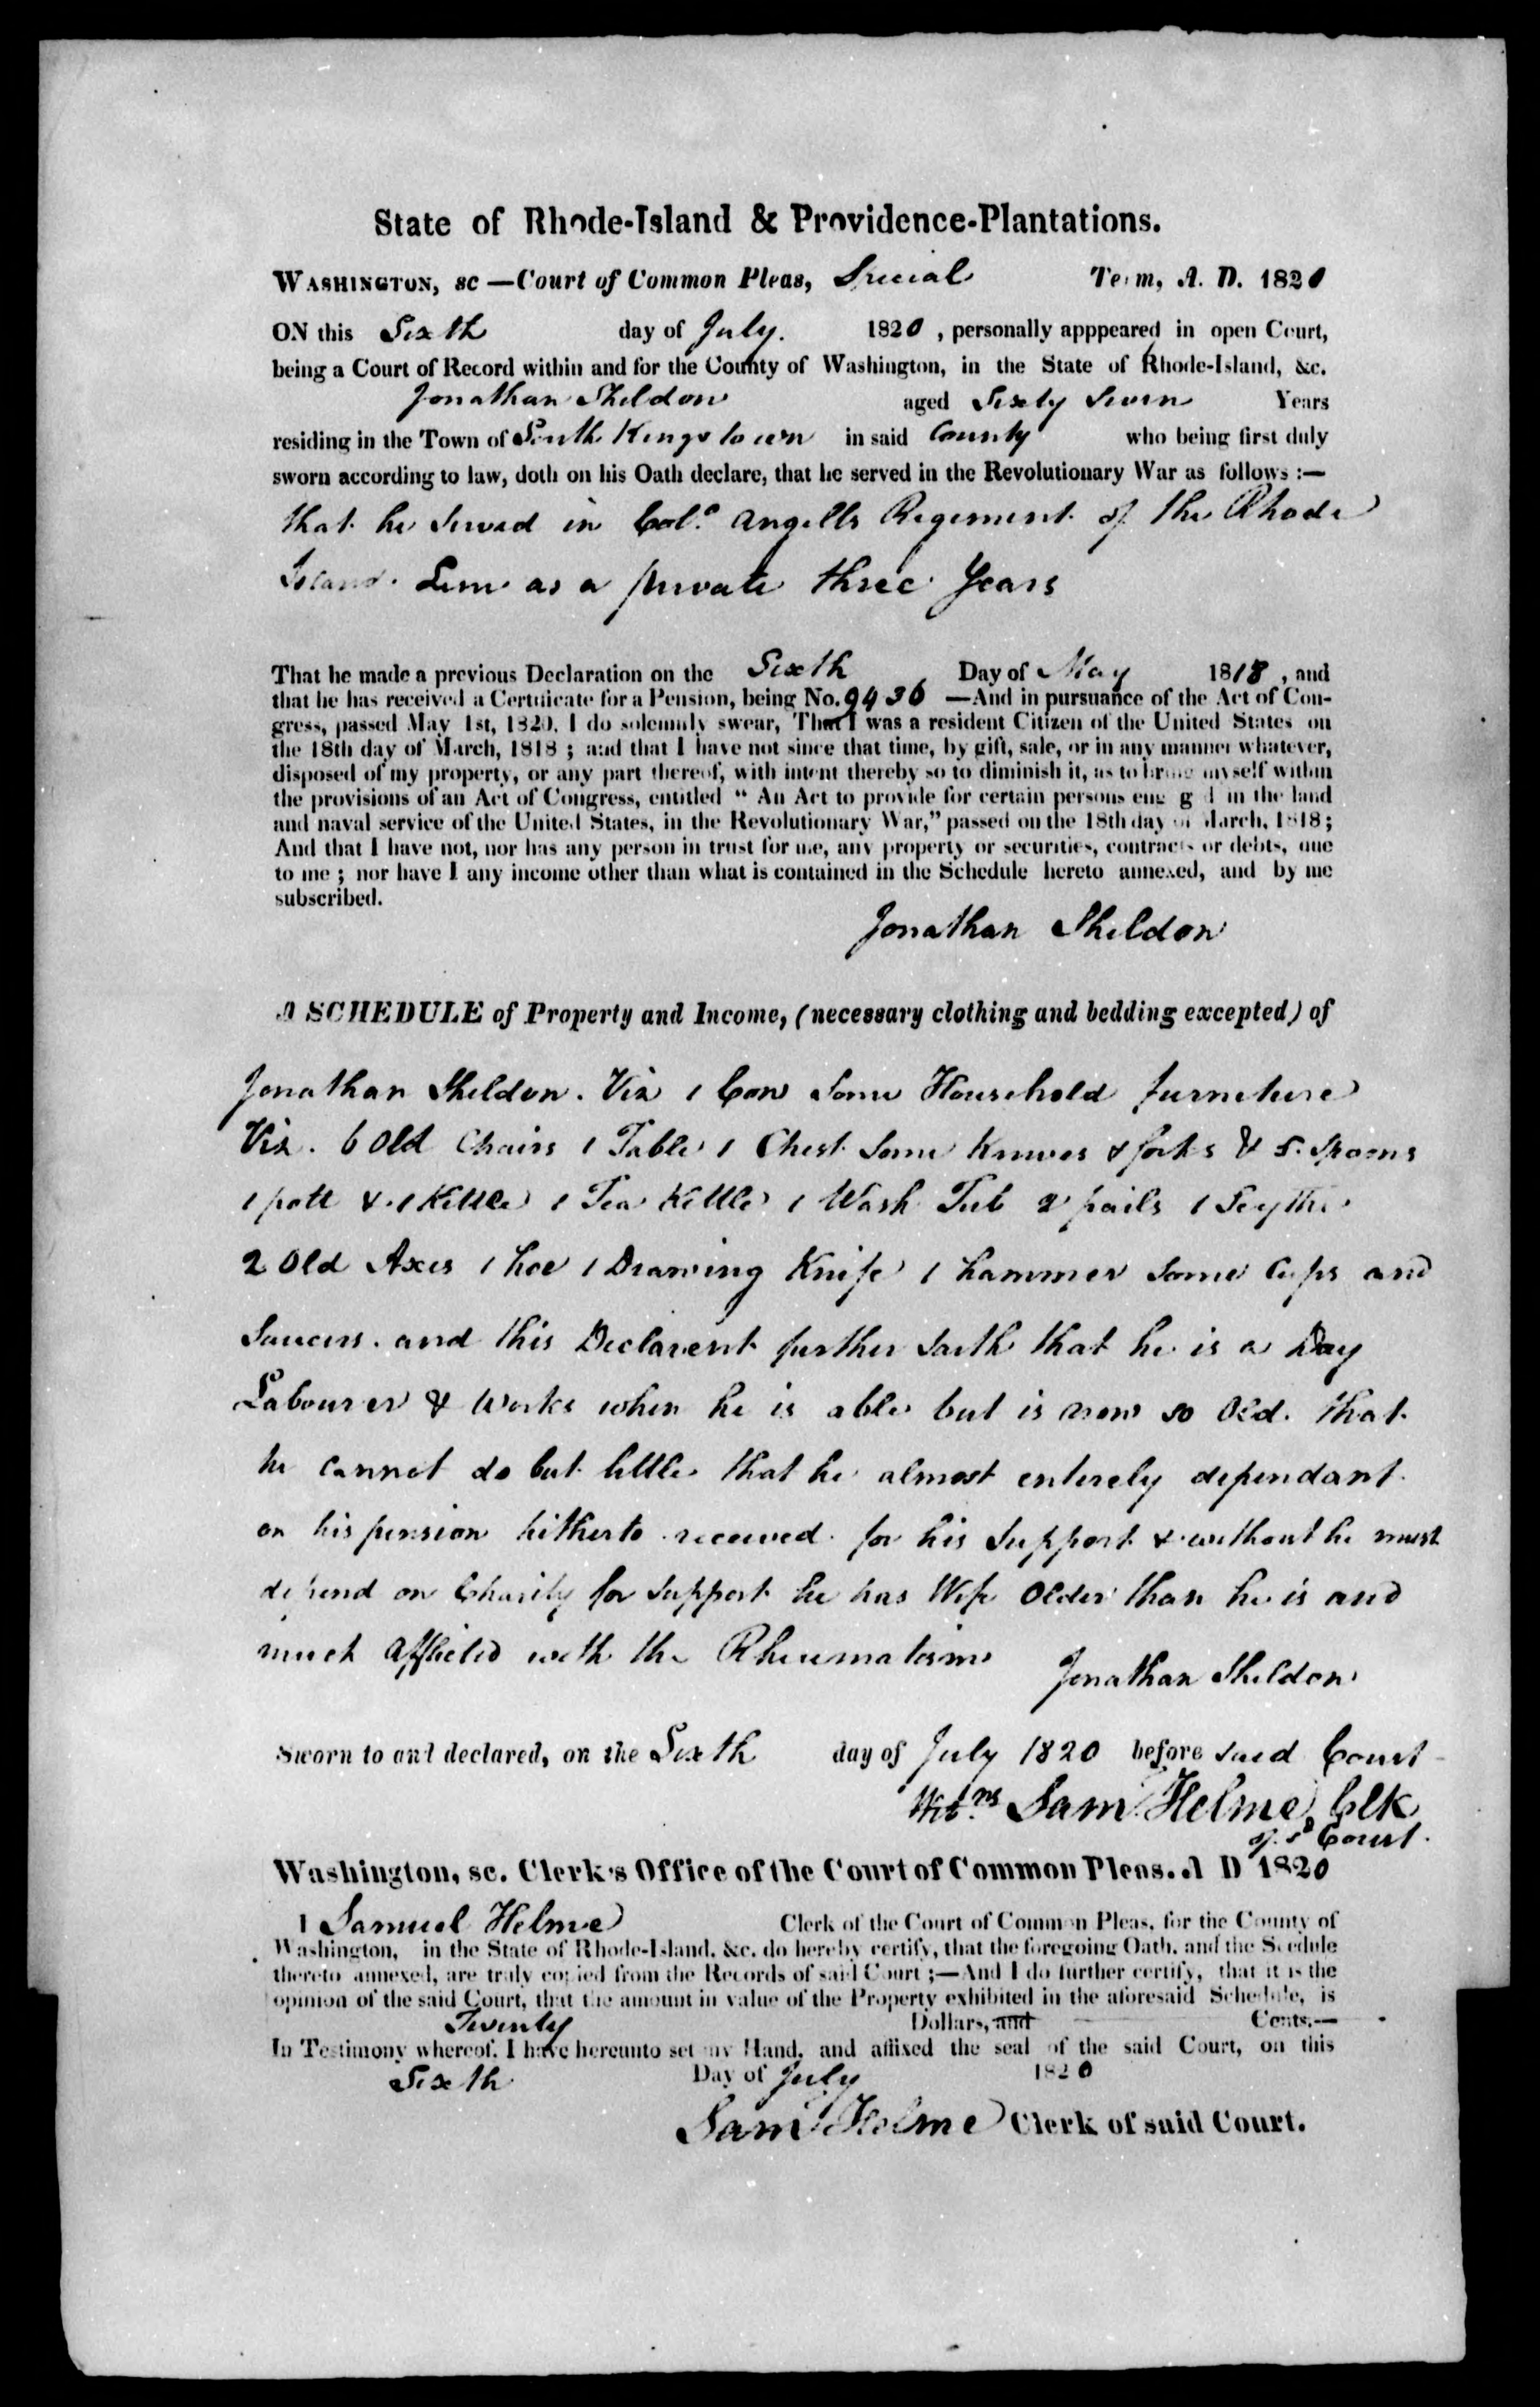State of Rhode-Island & Providence Plantations.

Washington, sc--Court of Common Pleas, Special Term, A.D. 1820 ON this Sixth day of July. 1820, personally appeared in open Court, being a Court of Record within and for the County of Washington, in the State of Rhode-Island, &c. Jonathan Sheldon aged Sixty SEven Years residing in the Town of South Kingstown in said County who being the first duly sworn according to law, doth on this Oath declare, that he served in the Revolutionary War as follows:- That he Served in Col Angells Regiment of the Rhode Island. Served as a private three years

That he made a previous Declaration on the Sixth Day of May 1818, and that he has received a Certificate for a Pension, being NO. 9436- And in pursuance of the Act of Congress, passed May 1st, 1820.  I do solemnly swear, That I was a resident Citizen of the United States on the 18th day of March, 1818 ; and that I have not since that time, by gift, sale, or in any manner whatever, disposed of my property, or any part thereof, with intent thereby so to diminish it, as to bring myself within the provisions of an Act of Congress, entitled "An Act to provide for certain persons engaged in the land and naval service of the United States, in the Revolutionary War," passed on the 18th day of March 1818;  And that I have not, not has any person in trust for use, any property or securities, contracts or debts, due to me; not have I any income other then what is contained in the Schedule hereto annexed, and by me subscribed. 
Jonathan Sheldon

A schedule of Property and Income, (necessary clothing and bedding excepted) of jonathan Sheldon.  Viz 1 Cow Some Household furniture Viz. Gold Chains 1 Table 1 Chest Some Knives & forks & 5 spoons 1 pott & 1 kettle 1 Tea Kettle 1 Wash Tub 2 pails 1 Scythe 2 old axes 1 hoe 1 Drawing Knife 1 hammer Some Cups and Saucers. and this Declarent further Saith that he is a Day Labourer & works when he is able but is now so old.  That he cannot do but little that he almost entirely dependant on his pension hitherto received for his support & without he must depend on Charity for support he has Wife older than he is and much afflicted with the Rheumatism.
Jonathan Sheldon

Sworn to and declared, on the Sixth day of July 1820 before said Court Wm Sam Helms, Clk of the Court

Washington, sc. Clerk's Office of the Court of Common Pleas. A.D. 1820
I Samuel Helms Clerk of the Court of Common Please. for the County of Washington, in the State of Rhode -Island. &c. do hereby certify, that the foregoing Oath, and the Schedule thereto annexed, are truly copied from the Records of said Court:--And I do further certify, that it is the opinion of the said Court, that the amount in value of the Property exhibited in the aforesaid Schedule, is Twenty Dollars, and     ------ Cents.
In Testimony, whereof, I have hereunto ser my Hand and affixed the seal of the said Court, on this Sixth Day of July 1820
Sam Helms Clerk of said Court.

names: Jonathan Sheldon; Jonathan Sheldon; Saml Helme; Samuel Helme; Jonathan Sheldon; Saml Helme; Jonathan Sheldon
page: 5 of 11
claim: survivor's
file: S. 39840, for Jonathan Sheldon, Rhode Island